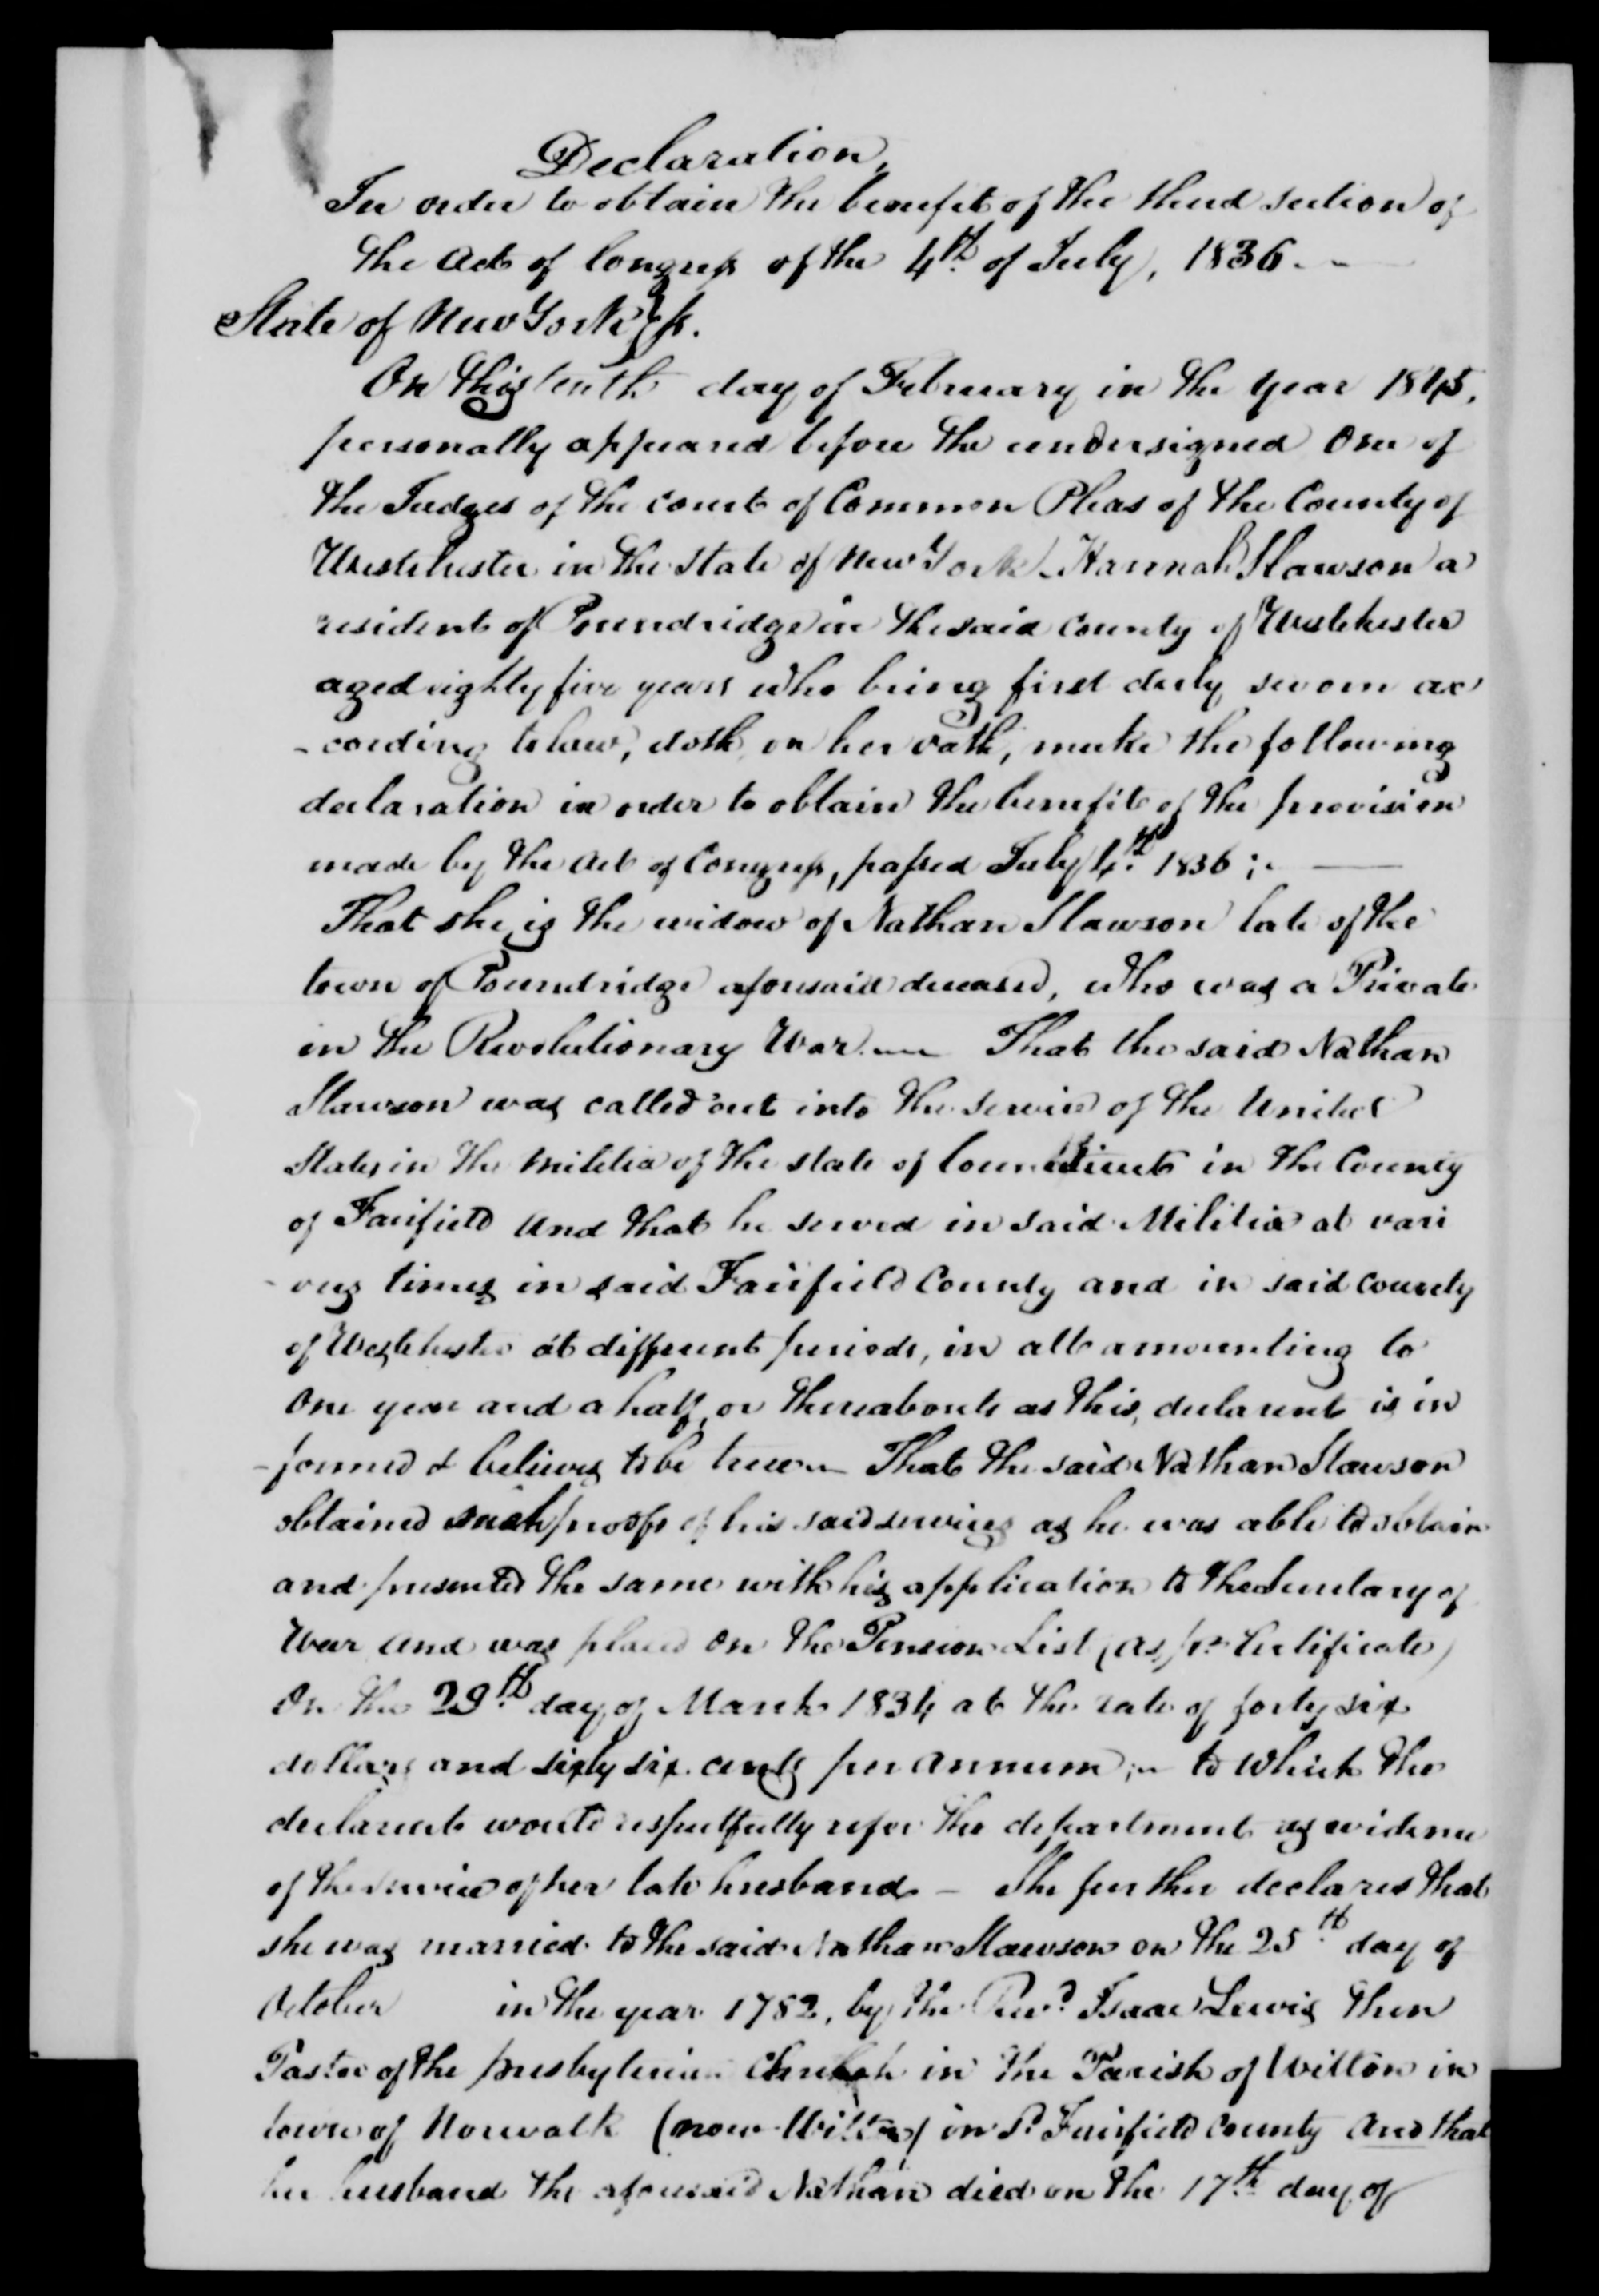Declaration, In order to obtain the benefit of the third section of the act of Congress of the 4th of July, 1836. 
State of New York} ss 
On this tenth day of February in the year 1845. personally appeared before the undersigned one of the Judges of the Court of Common Pleas of the County of Westchester in the State of New York Hannah Slawson a resident of Poundridge in the said County of Westchester aged eighty five years who being first duly sworn as according to law, doth on her oath, make the following declaration in order to obtain the benefit of the provision made by the act of Congress passed July 4th 1836.   
That she is the widow of Nathan Slawson late of the town of Poundridge aforesaid deceased, who was a Private in the Revolutionary War. That the said Nathan Slawson was called out into the service of the United States in the militia of the State of Connecticut in the County of Fairfield and that he served in said Militia at various times in said Fairfield County and in said County of Westchester at different periods, in all amounting to one year and a half, or thereabouts as this declarant is informed & believes to be true that the said Nathan Slawson obtained with proof of his said services as he was able to obtain and presented the same with his application to the Secretary of War and was placed on the Pension List (as per certificate) On the 29th day of March 1834 at the rate of forty six dollars and sixty six cents per annum; to which the declarant would respectfully refer the department of evidence of the service of her late husband - She further declares that she was married to the said Nathan Slawson on the 25th day of October in the year 1782, by the Revd Isaac Lewis then Pastor of the presbyterian Church in the Parish of Willow in town of Norwalk (now Willow in Fairfield County) and that her husband the aforesaid Nathan died on the 17th day of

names: Nathan [BLANK]; Isaac Lewis; Nathan [BLANK]; Hannah Slawson; Nathan Slawson; Nathan Slawson; Nathan Slawson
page: 15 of 87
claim: widow's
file: W. 22,226, for Nathan Slawson, Connecticut